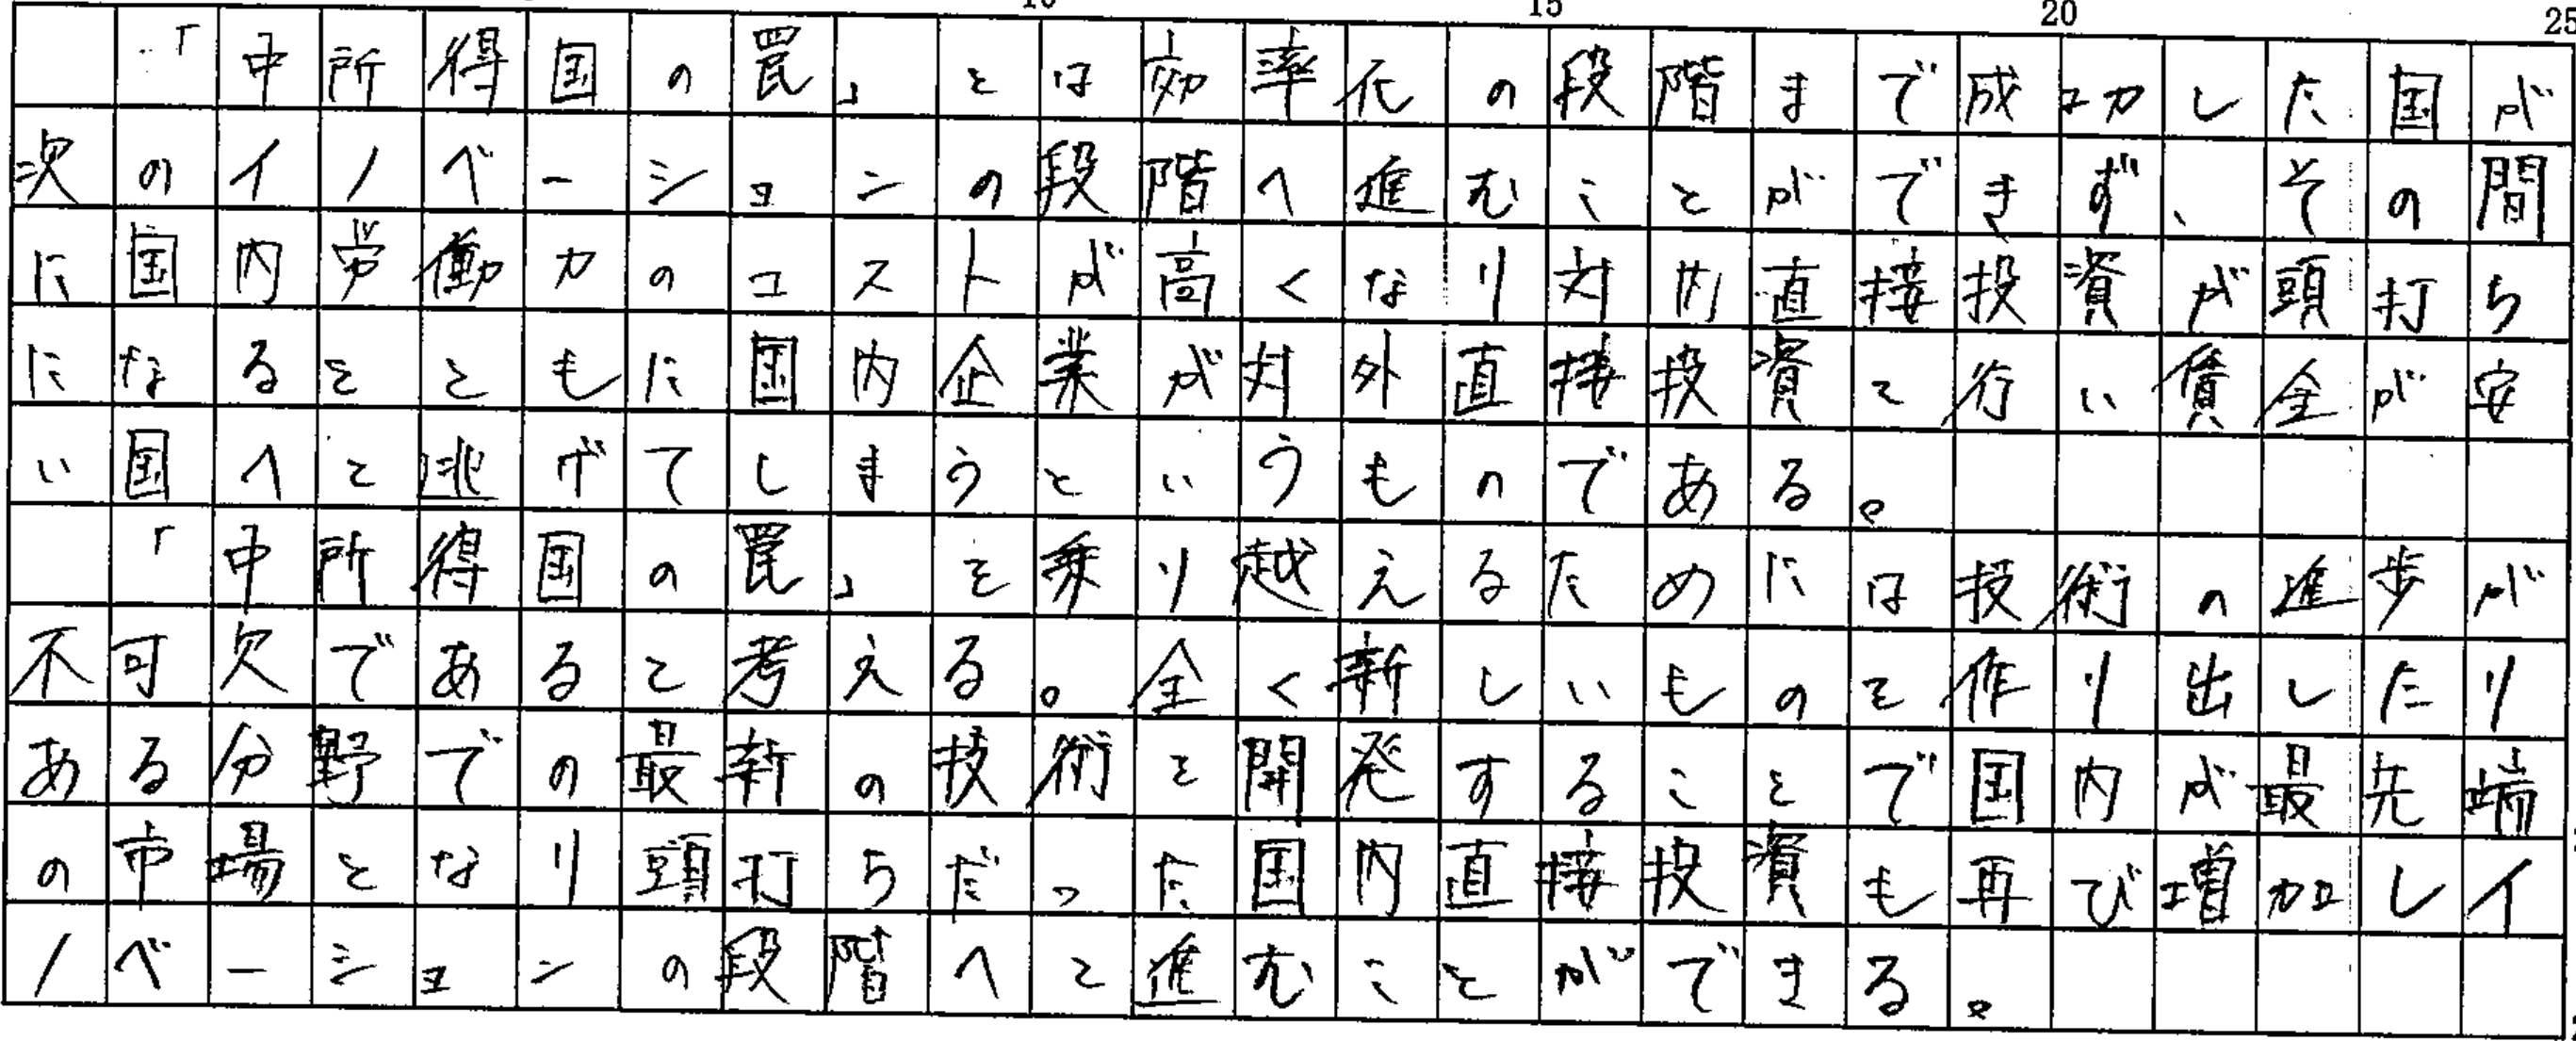　「中所得国の罠」とは効率化の段階まで成功した国が次のイノベーションの段階へ進むことができず、その間に国内労働力のコストが高くなり対内直接投資が頭打ちになるとともに国内企業が対外直接投資を行い賃金が安い国へと逃げてしまうというものである。
　「中所得国の罠」を乗り越えるためには技術の進歩が不可欠であると考える。全く新しいものを作り出したりある分野での最新の技術を開発することで国内が最先端の市場となり頭打ちだった国内直接投資も再び増加しイノベーションの段階へと進むことができる。
